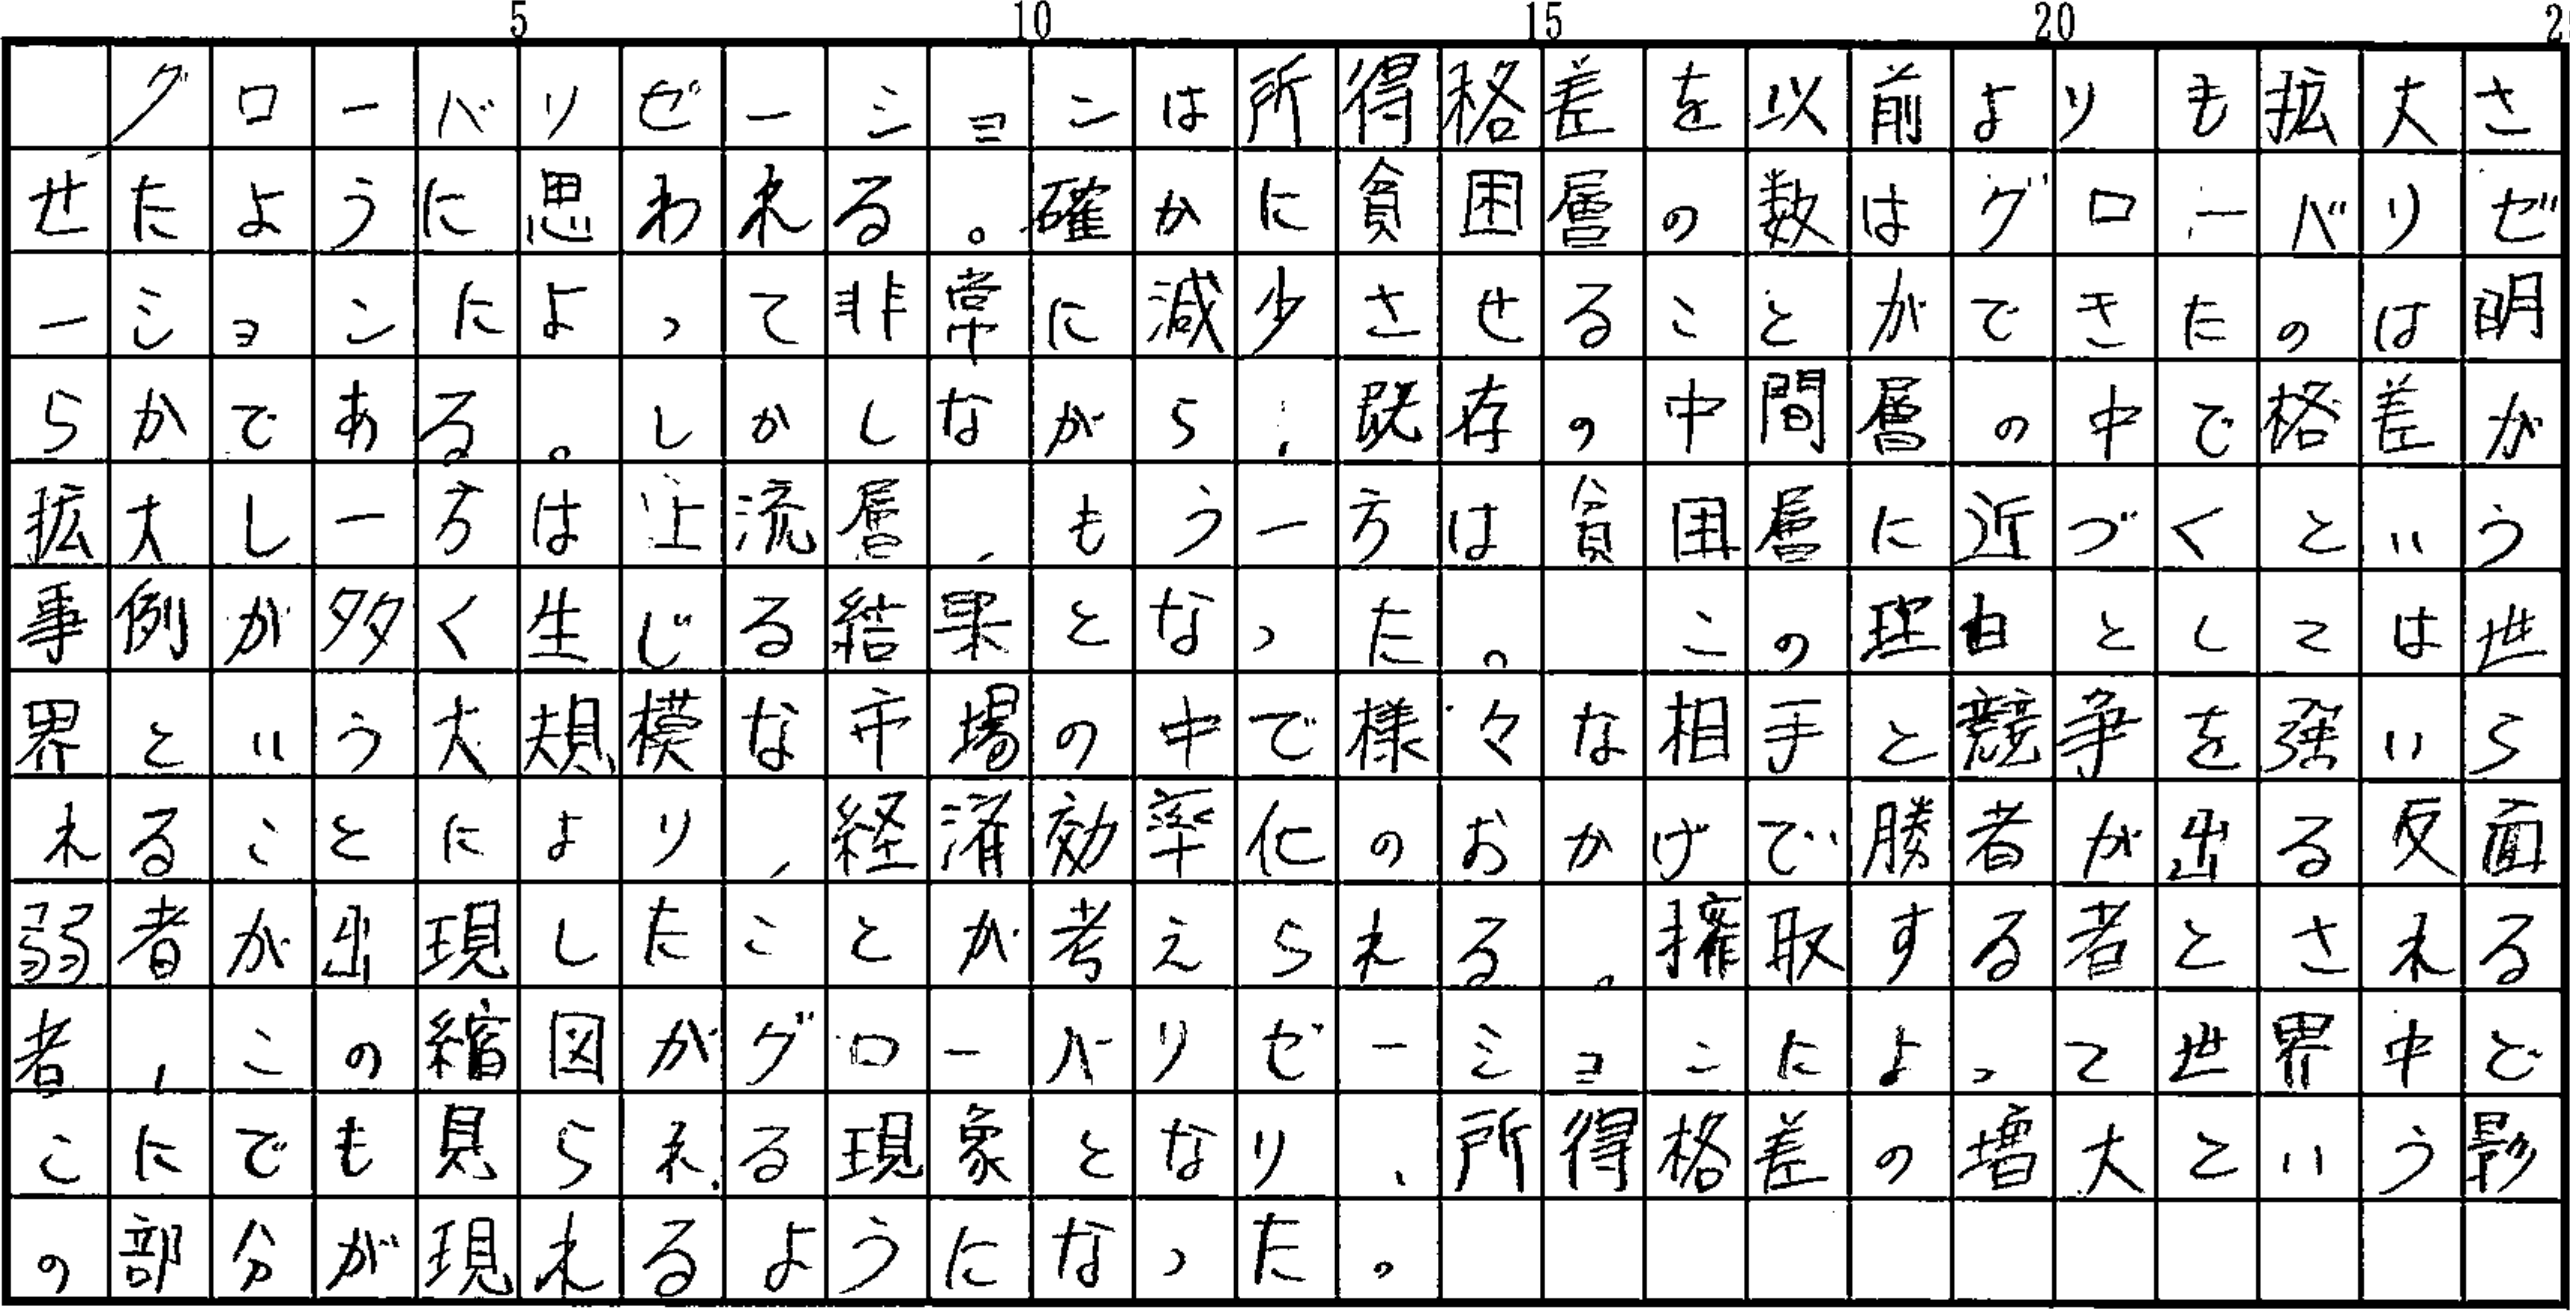　グローバリゼーションは所得格差を以前よりも拡大させたように思われる。確かに貧困層の数はグローバリゼーションによって非常に減少させることができたのは明らかである。しかしながら、既存の中間層の中で格差が拡大し一方は上流層、もう一方は貧困層に近づくという事例が多く生じる結果となった。この理由としては世界という大規模な市場の中で様々な相手と競争を強いられることにより、経済効率化のおかげで勝者が出る反面弱者が出現したことが考えられる。▁取する者とされる者、この縮図がグローバリゼーションによって世界中どこにでも見られる現象となり、所得格差の増大という影の部分が現れるようになった。
